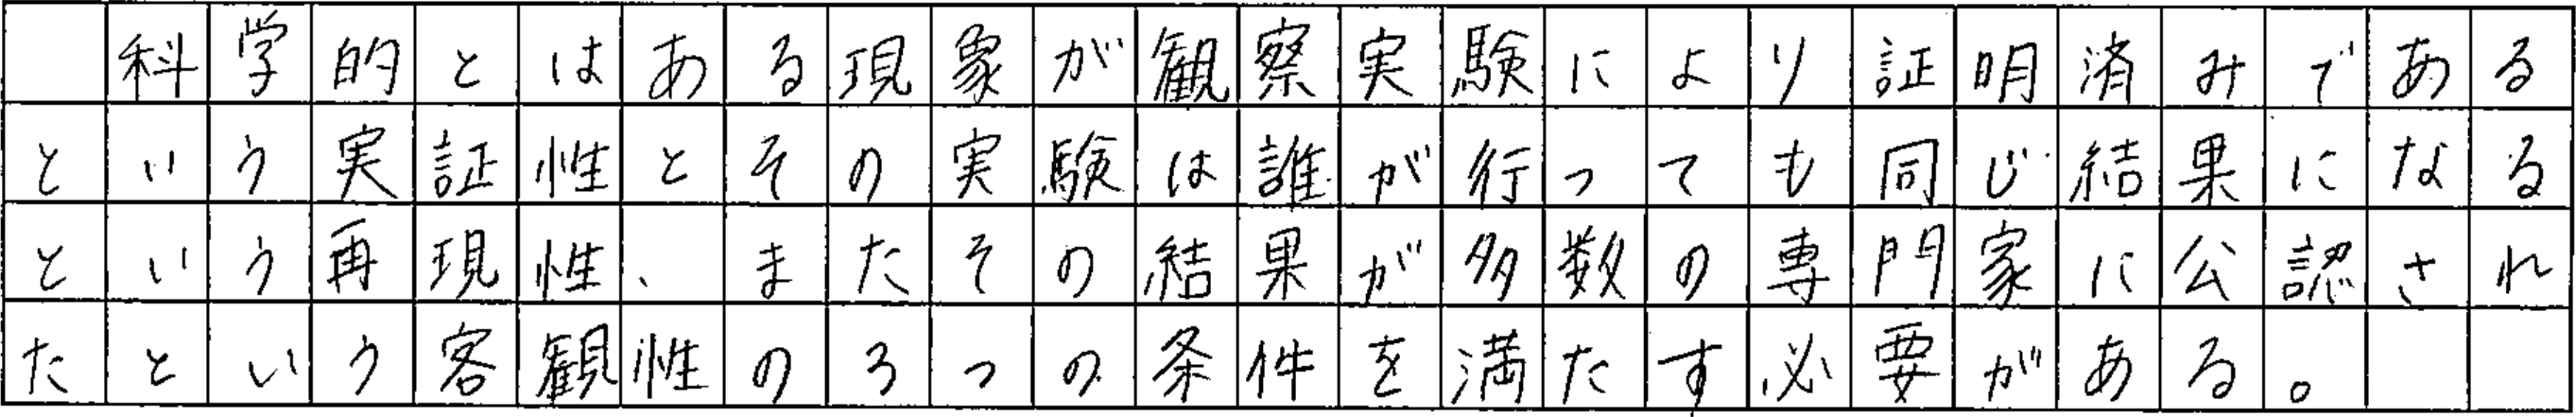　科学的とはある現象が観察実験により証明済みであるという実証性とその実験は誰が行っても同じ結果になるという再現性、またその結果が多数の専門家に公認されたという客観性の３つの条件を満たす必要がある。
